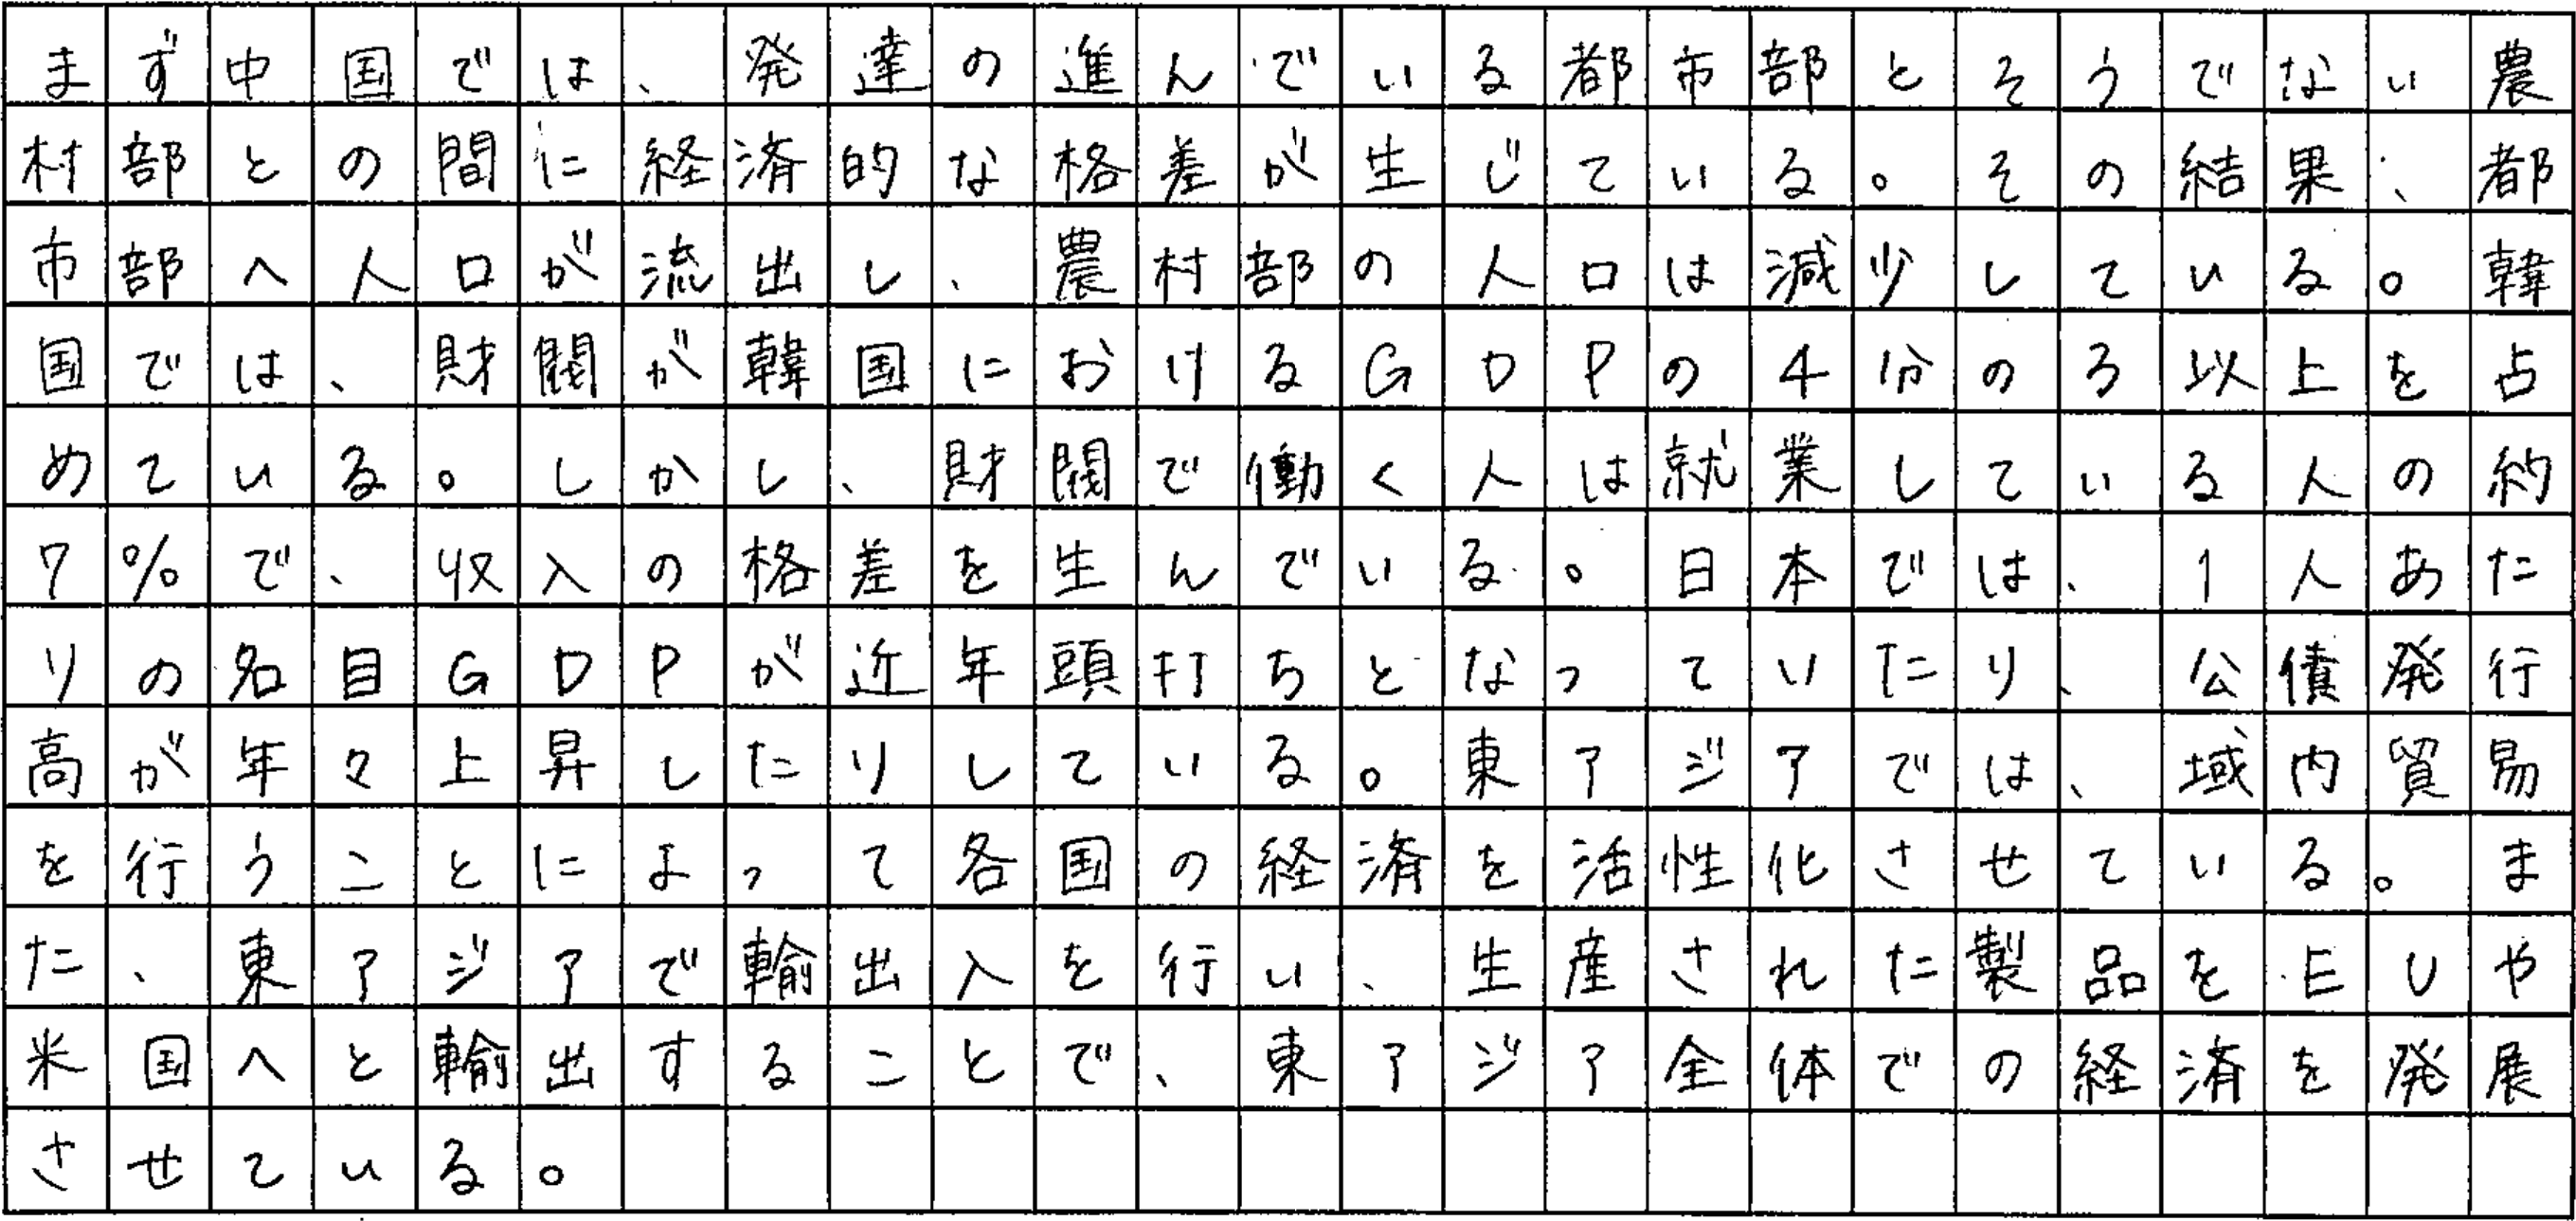まず中国では、発達の進んでいる都市部とそうでない農村部との間に経済的な格差が生じている。その結果、都市部へ人口が流出し、農村部の人口は減少している。韓国では、財閥が韓国におけるＧＤＰの４分の３以上を占めている。しかし、財閥で働く人は就業している人の約７％で、収入の格差を生んでいる。日本では、１人あたりの名目ＧＤＰが近年頭打ちとなっていたり、公債発行高が年々上昇したりしている。東アジアでは、域内貿易を行うことによって各国の経済を活性化させている。また、東アジアで輸出入を行い、生産された製品をＥＵや米国へと輸出することで、東アジア全体での経済を発展させている。
